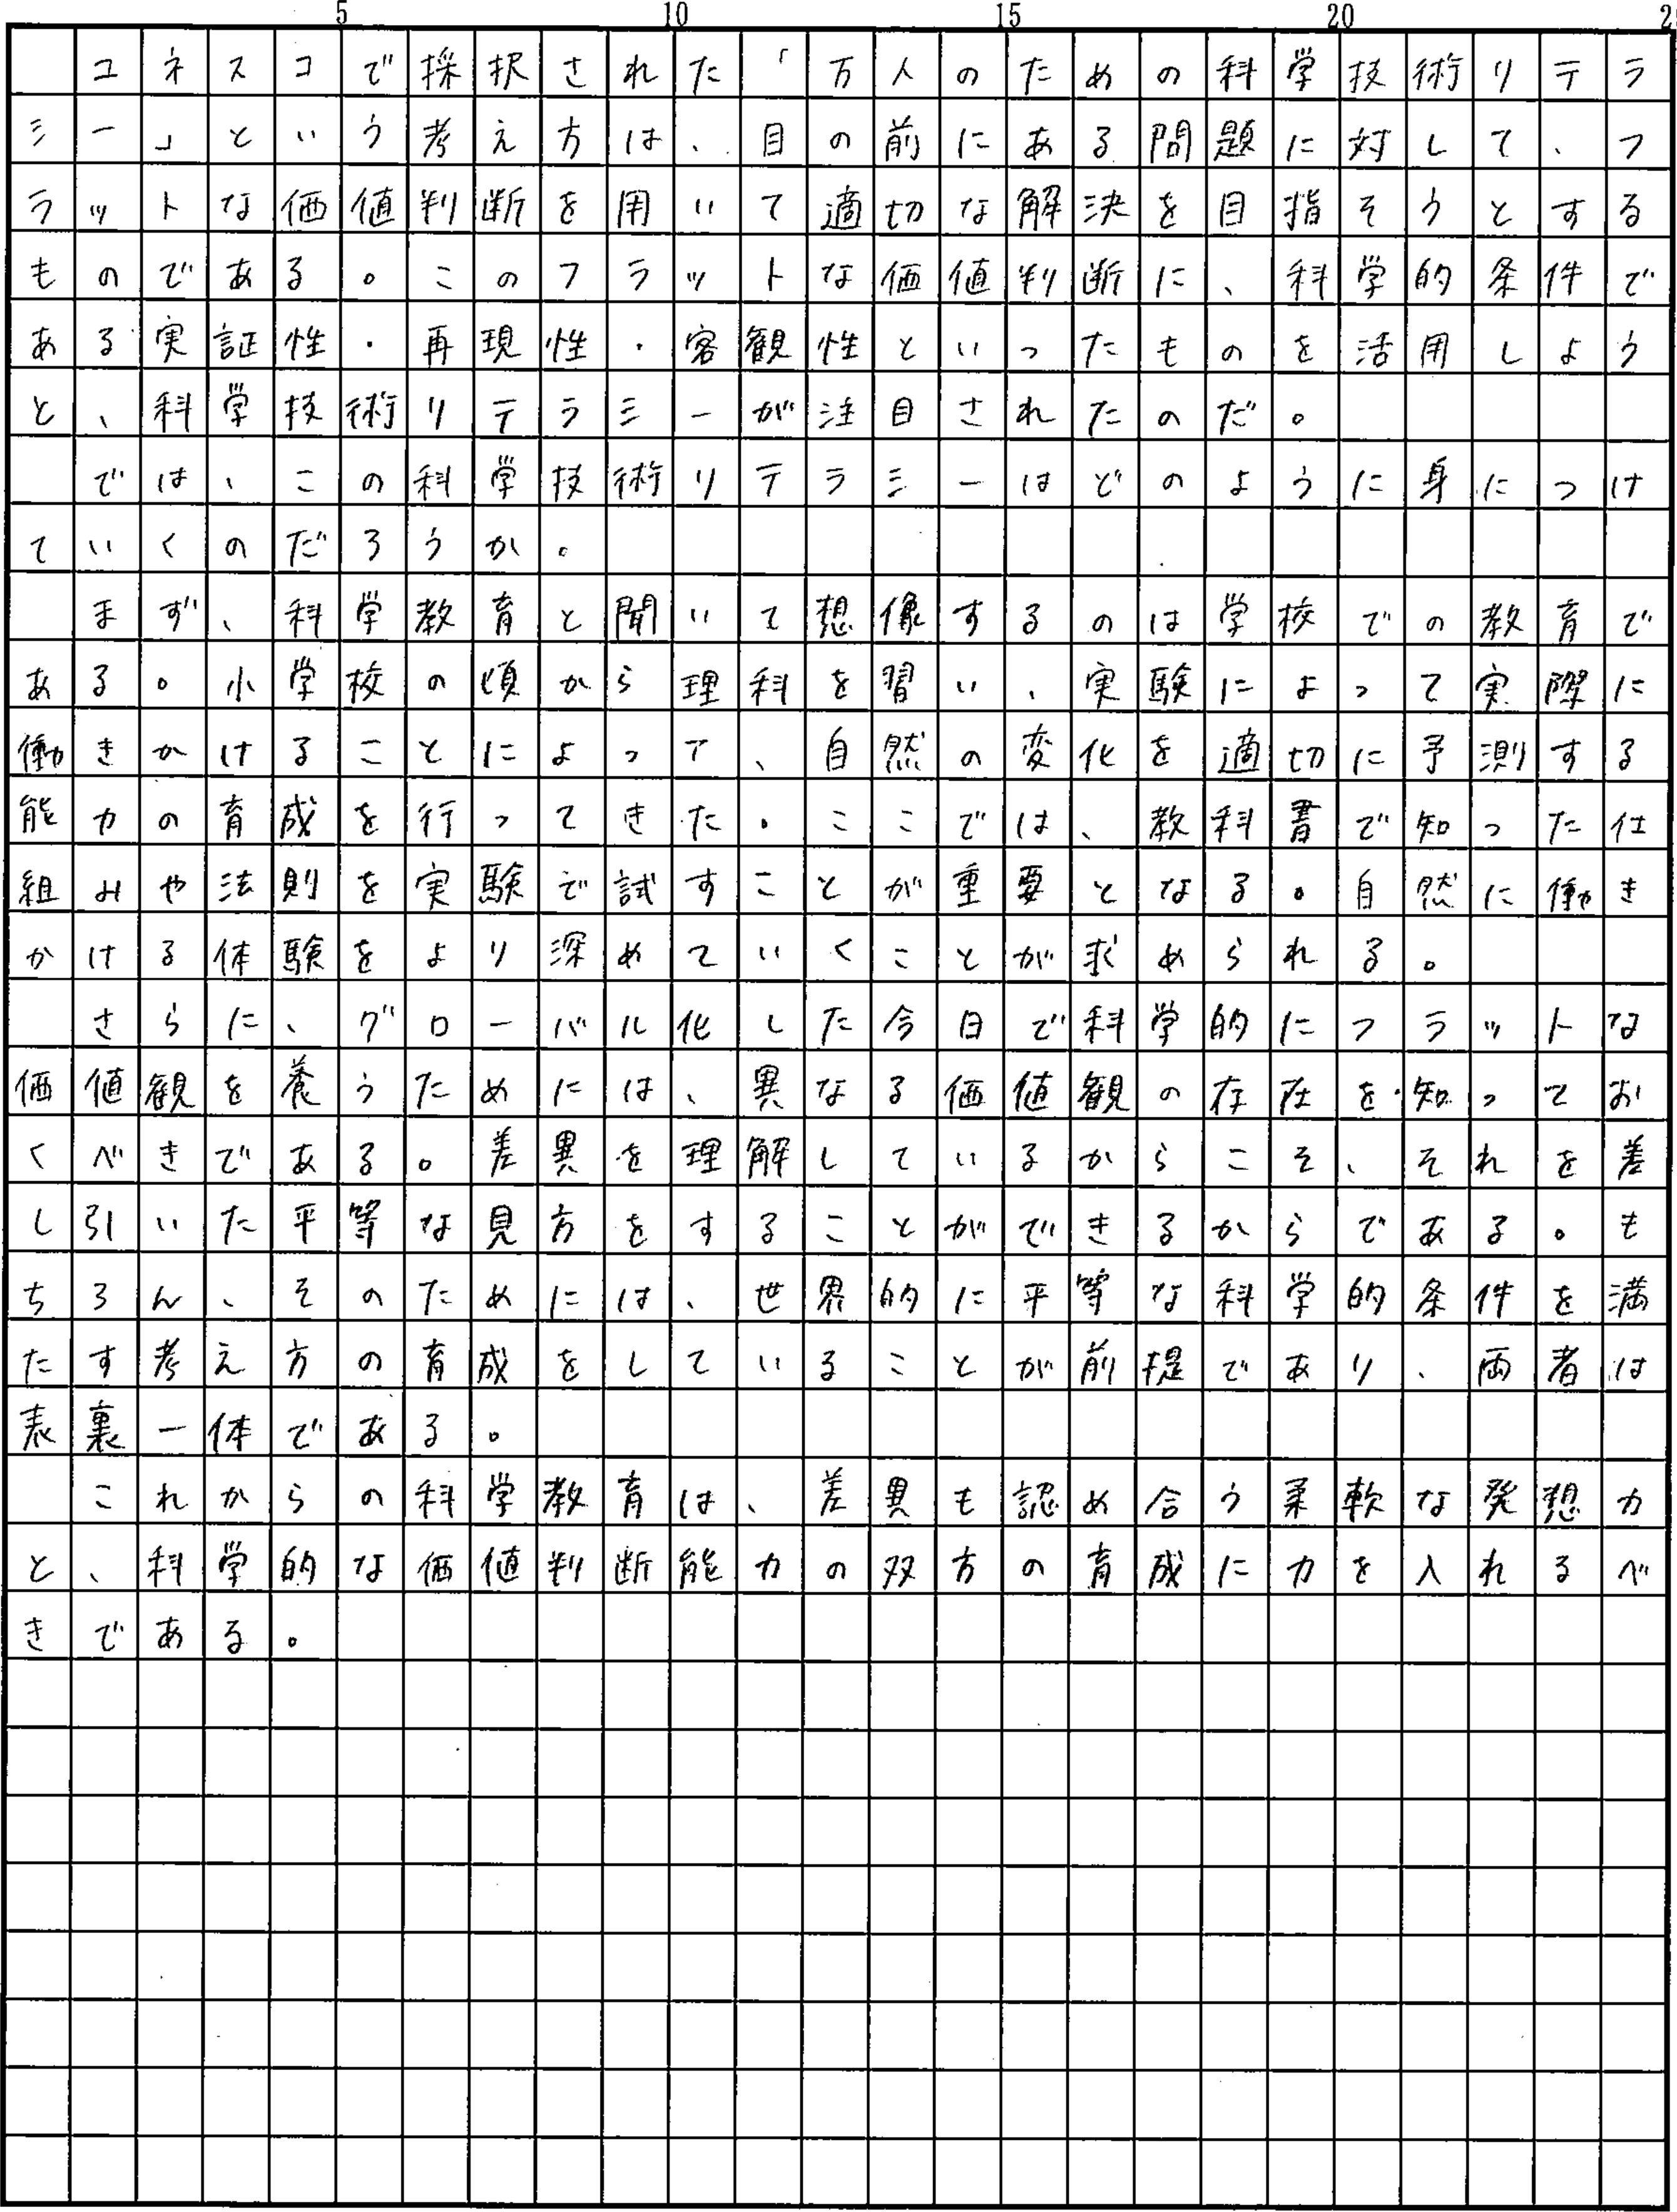　ユネスコで採択された「万人のための科学技術リテラシー」という考え方は、目の前にある問題に対して、フラットな価値判断を用いて適切な解決を目指そうとするものである。このフラットな価値判断に、科学的条件である実証性・再現性・客観性といったものを活用しようと、科学技術リテラシーが注目されたのだ。
　では、この科学技術リテラシーはどのように身につけていくのだろうか。
　まず、科学教育と聞いて想像するのは学校での教育である。小学校の頃から理科を習い、実験によって実際に働きかけることによって、自然の変化を適切に予測する能力の育成を行ってきた。ここでは、教科書で知った仕組みや法則を実験で試すことが重要となる。自然に働きかける体験をより深めていくことが求められる。
　さらに、グローバル化した今日で科学的にフラットな価値観を養うためには、異なる価値観の存在を知っておくべきである。差異を理解しているからこそ、それを差し引いた平等な見方をすることができるからである。もちろん、そのためには、世界的に平等な科学的条件を満たす考え方の育成をしていることが前提であり、両者は表裏一体である。
　これからの科学教育は、差異も認め合う柔軟な発想力と、科学的な価値判断能力の双方の育成に力を入れるべきである。
